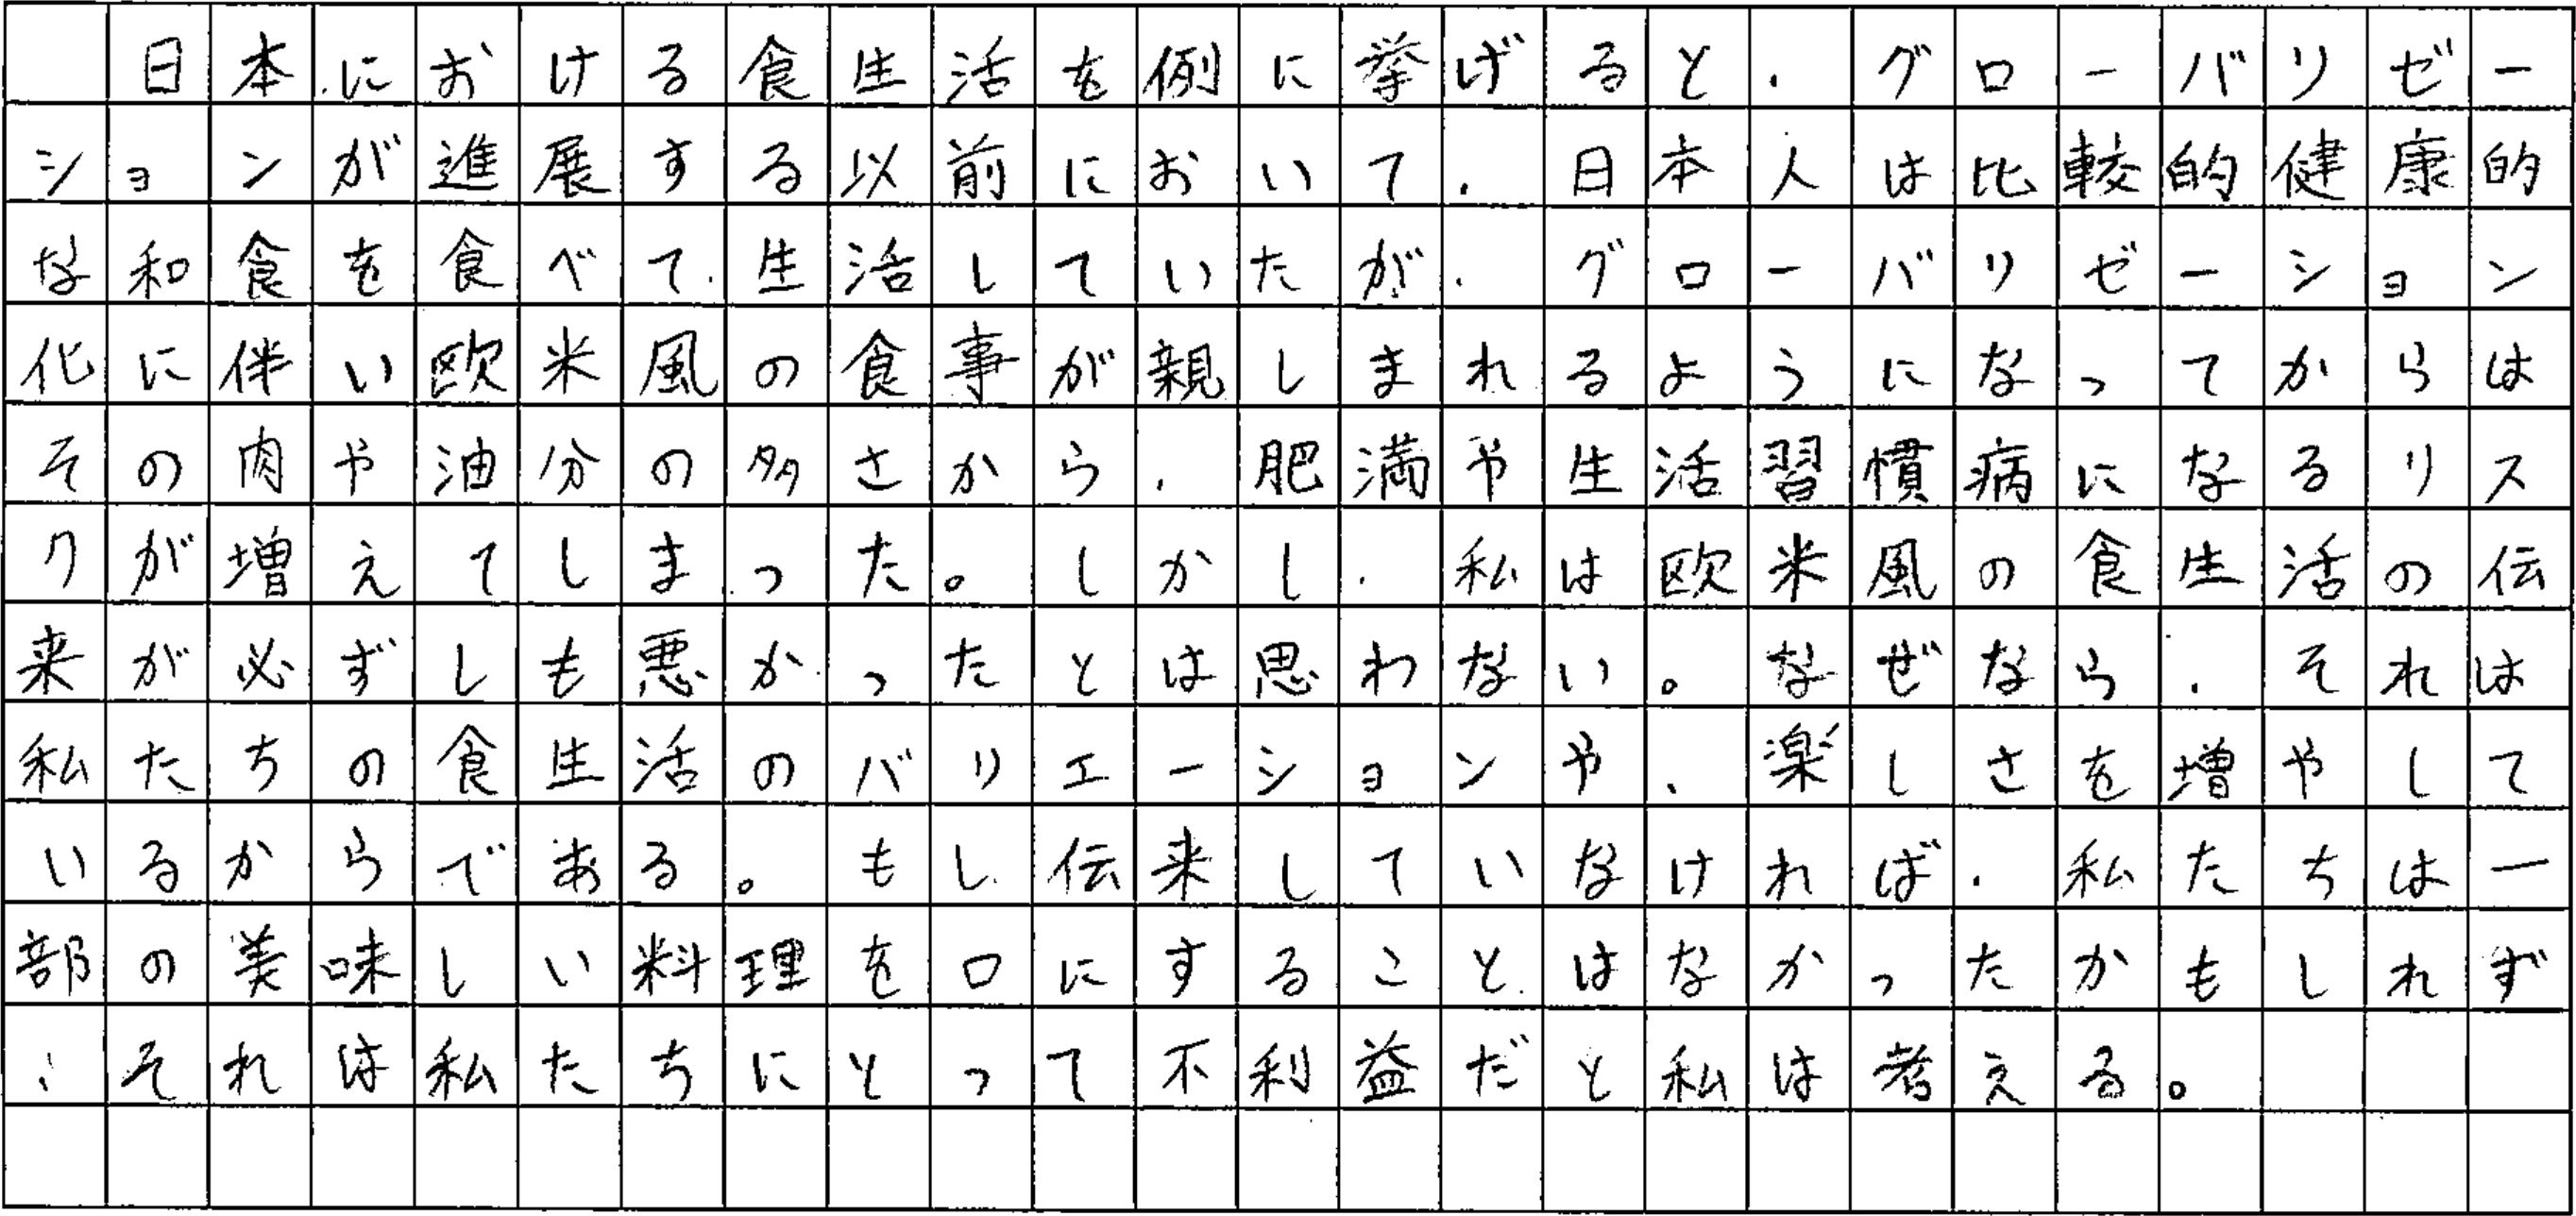　日本における食生活を例に挙げると、グローバリゼーションが進展する以前において、日本人は比較的健康的な和食を食べて生活していたが、グローバリゼーション化に伴い欧米風の食事が親しまれるようになってからはその肉や油分の多さから、肥満や生活習慣病になるリスクが増えてしまった。しかし、私は欧米風の食生活の伝来が必ずしも悪かったとは思わない。なぜなら、それは私たちの食生活のバリエーションや、楽しさを増やしているからである。もし伝来していなければ、私たちは一部の美味しい料理を口にすることはなかったかもしれず、それは私たちにとって不利益だと私は考える。
